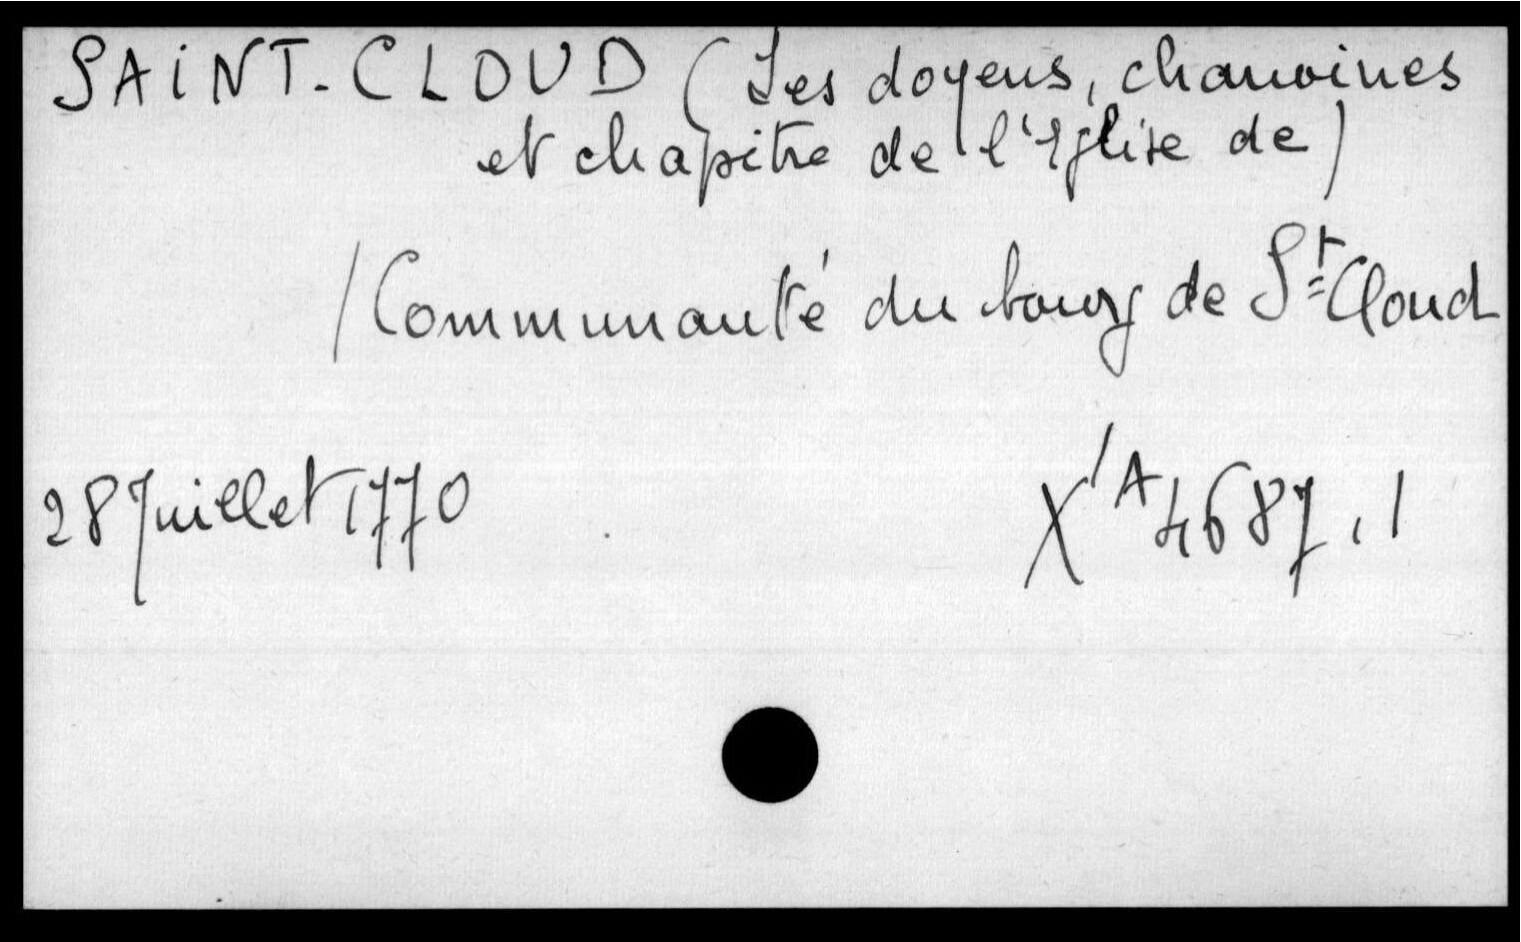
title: SAINT-CLOUD (les doyens, chanoines et chapitre de l'église de)
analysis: Contre communauté du bourg de Saint-Cloud
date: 28 juillet 1770
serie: X1A
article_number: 4687
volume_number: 1
